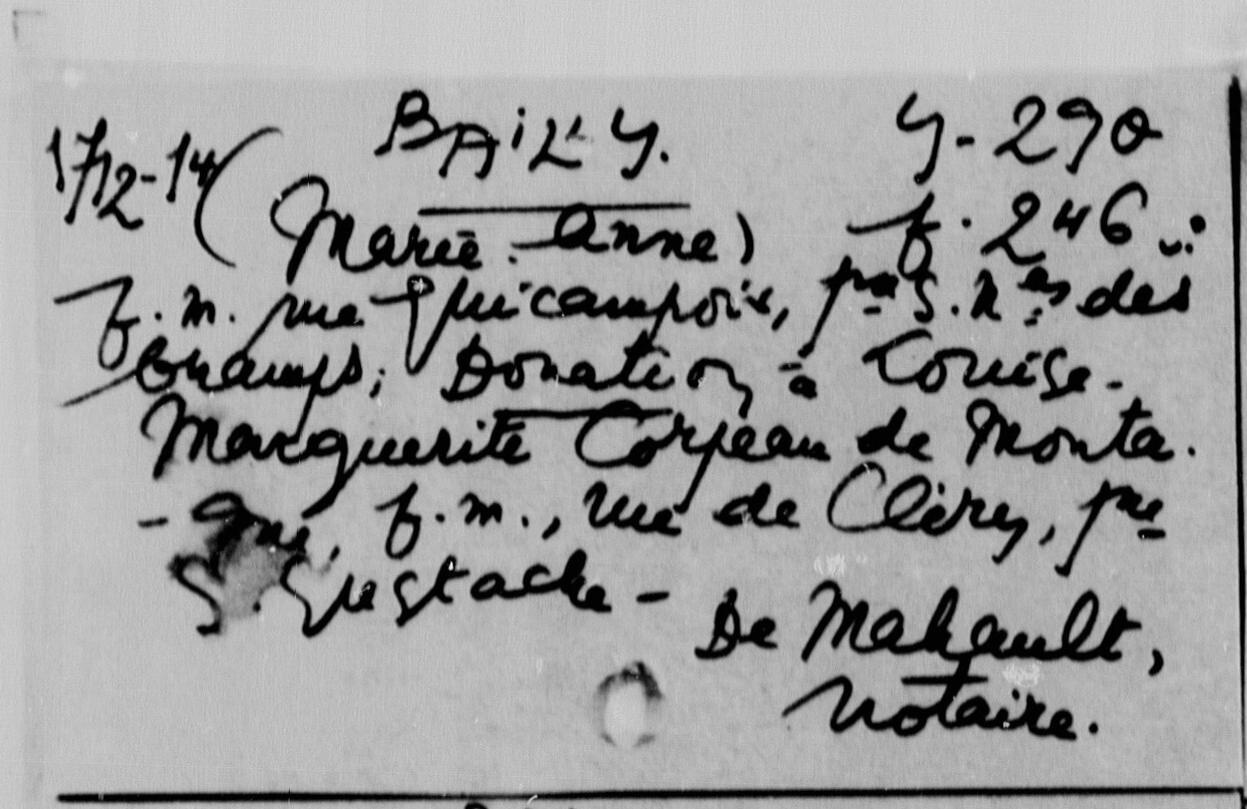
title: BAILLY (Marie-Anne)
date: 1712-1714
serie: Y
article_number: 290
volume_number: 246v
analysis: Fille majeure, rue Quincampoix, paroisse Saint-Nicolas-des-Champs. Donation à Louise Marguerite Corpeau de Montagne, fille majeure, rue de Clèry, paroisse Saint-Eustache De Mahault, notaire.
